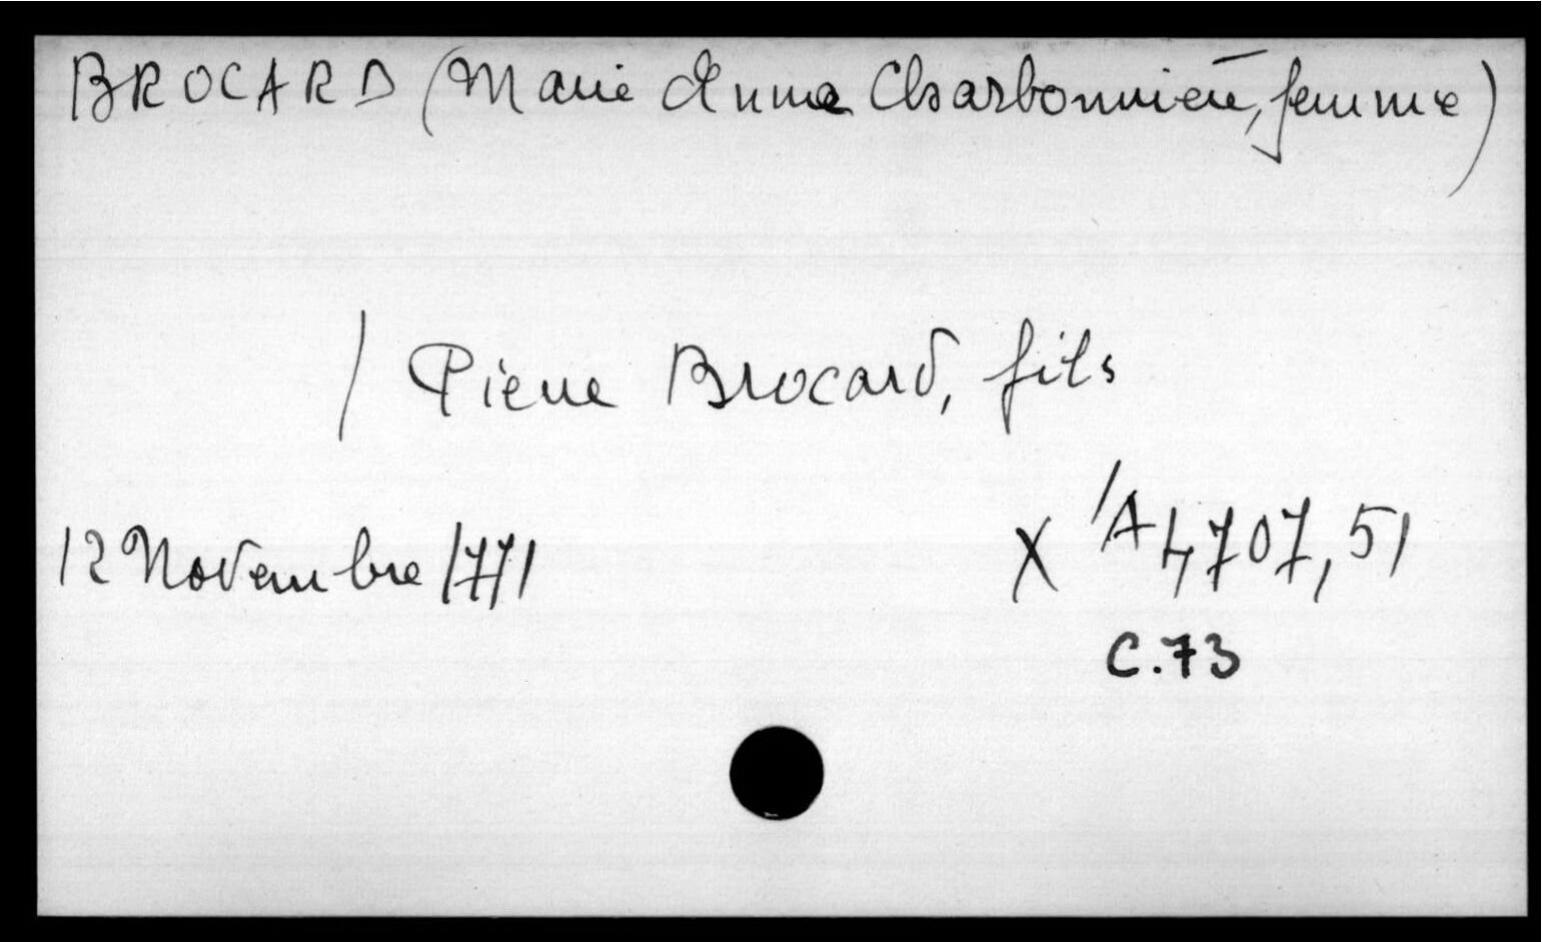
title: BROCARD (Marie Anne Charbonnière, femme)
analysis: Contre Pierre Brocard, fils
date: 12 novembre 1771
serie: X1A
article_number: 4707
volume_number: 51 Conseil, 73
